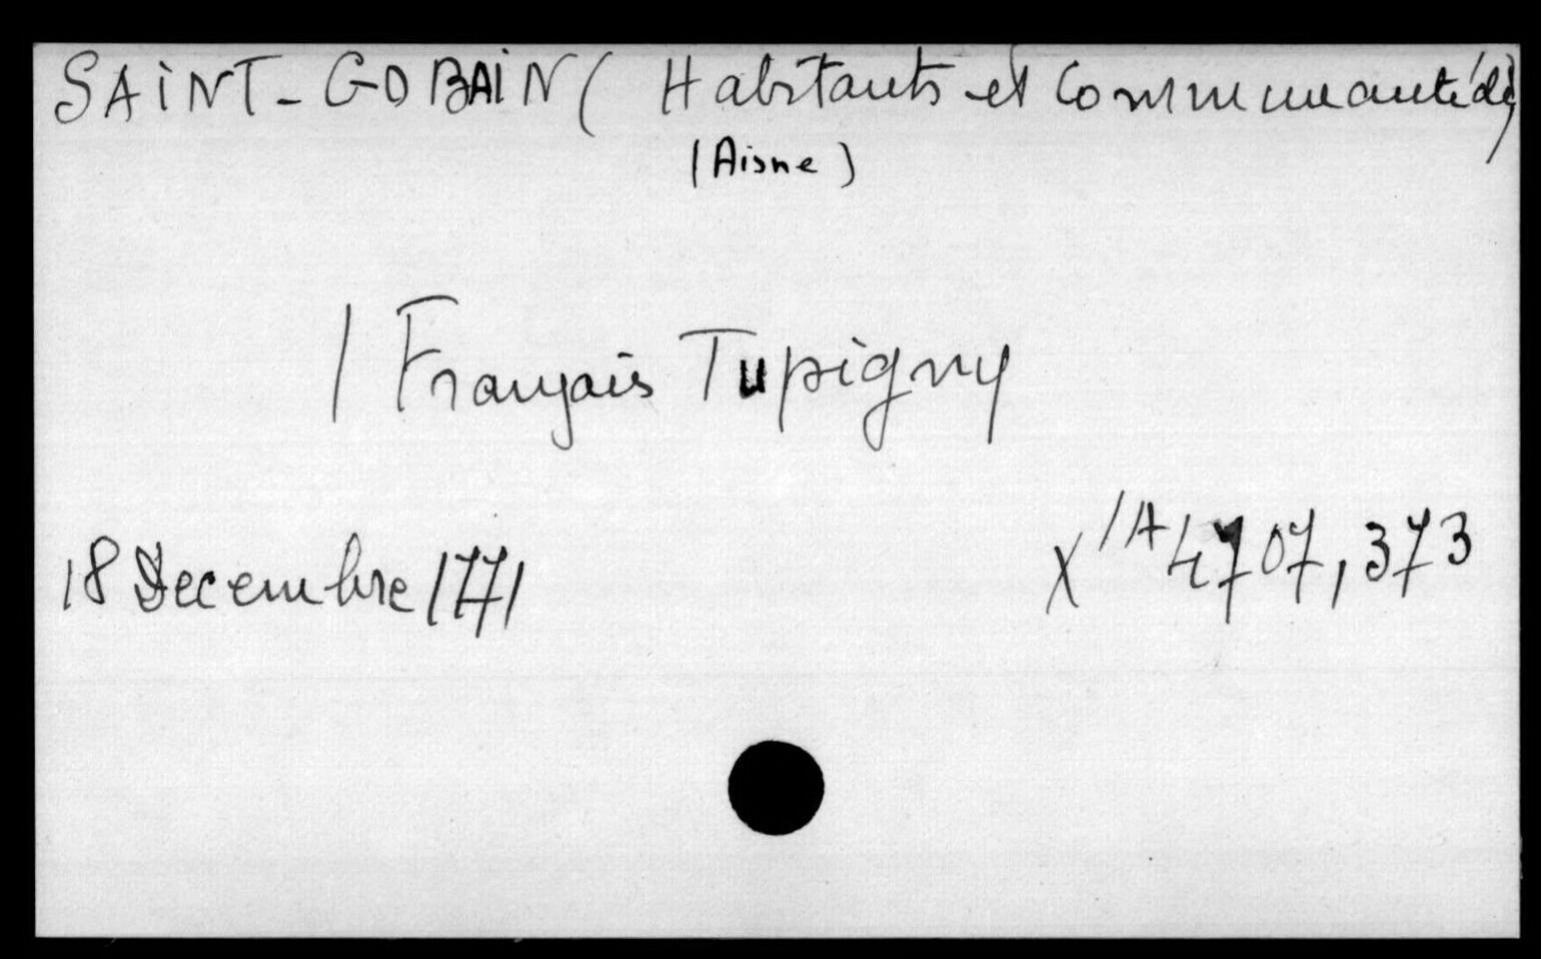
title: SAINT-GOBAIN (Habitants et communauté de) (Aisne)
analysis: Contre François Tupigny
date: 18 décembre 1771
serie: X1A
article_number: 4707
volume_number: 373
